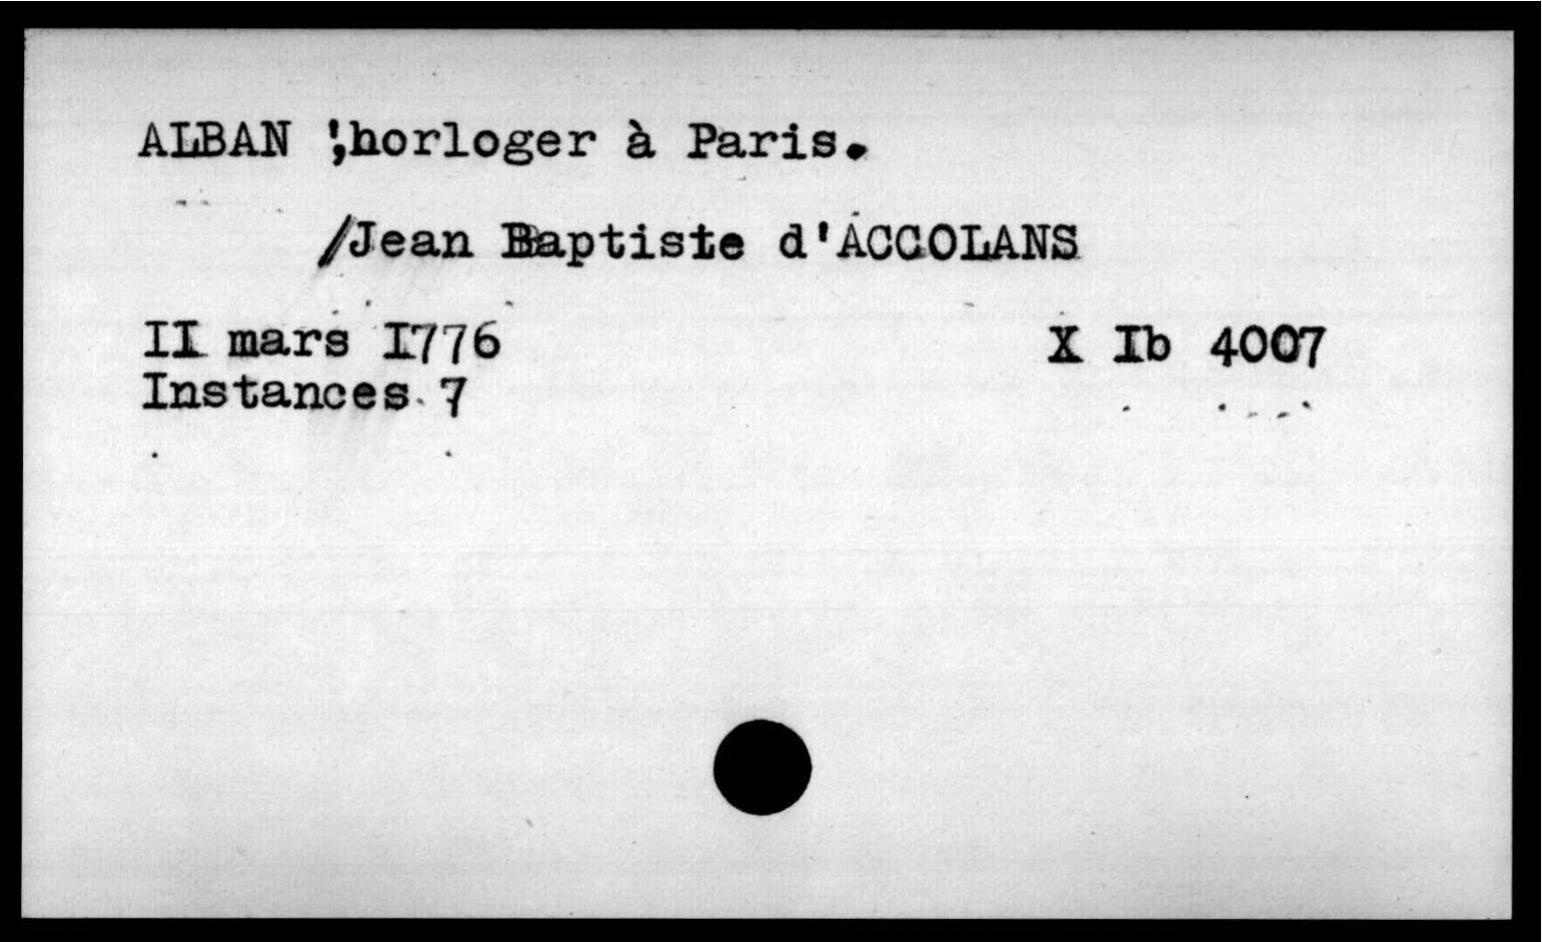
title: ALBAN, horloger à Paris.
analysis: Contre Jean Baptiste d'ACCOLANS
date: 11 mars 1776
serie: X1b
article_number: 4007
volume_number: Instances, 7
